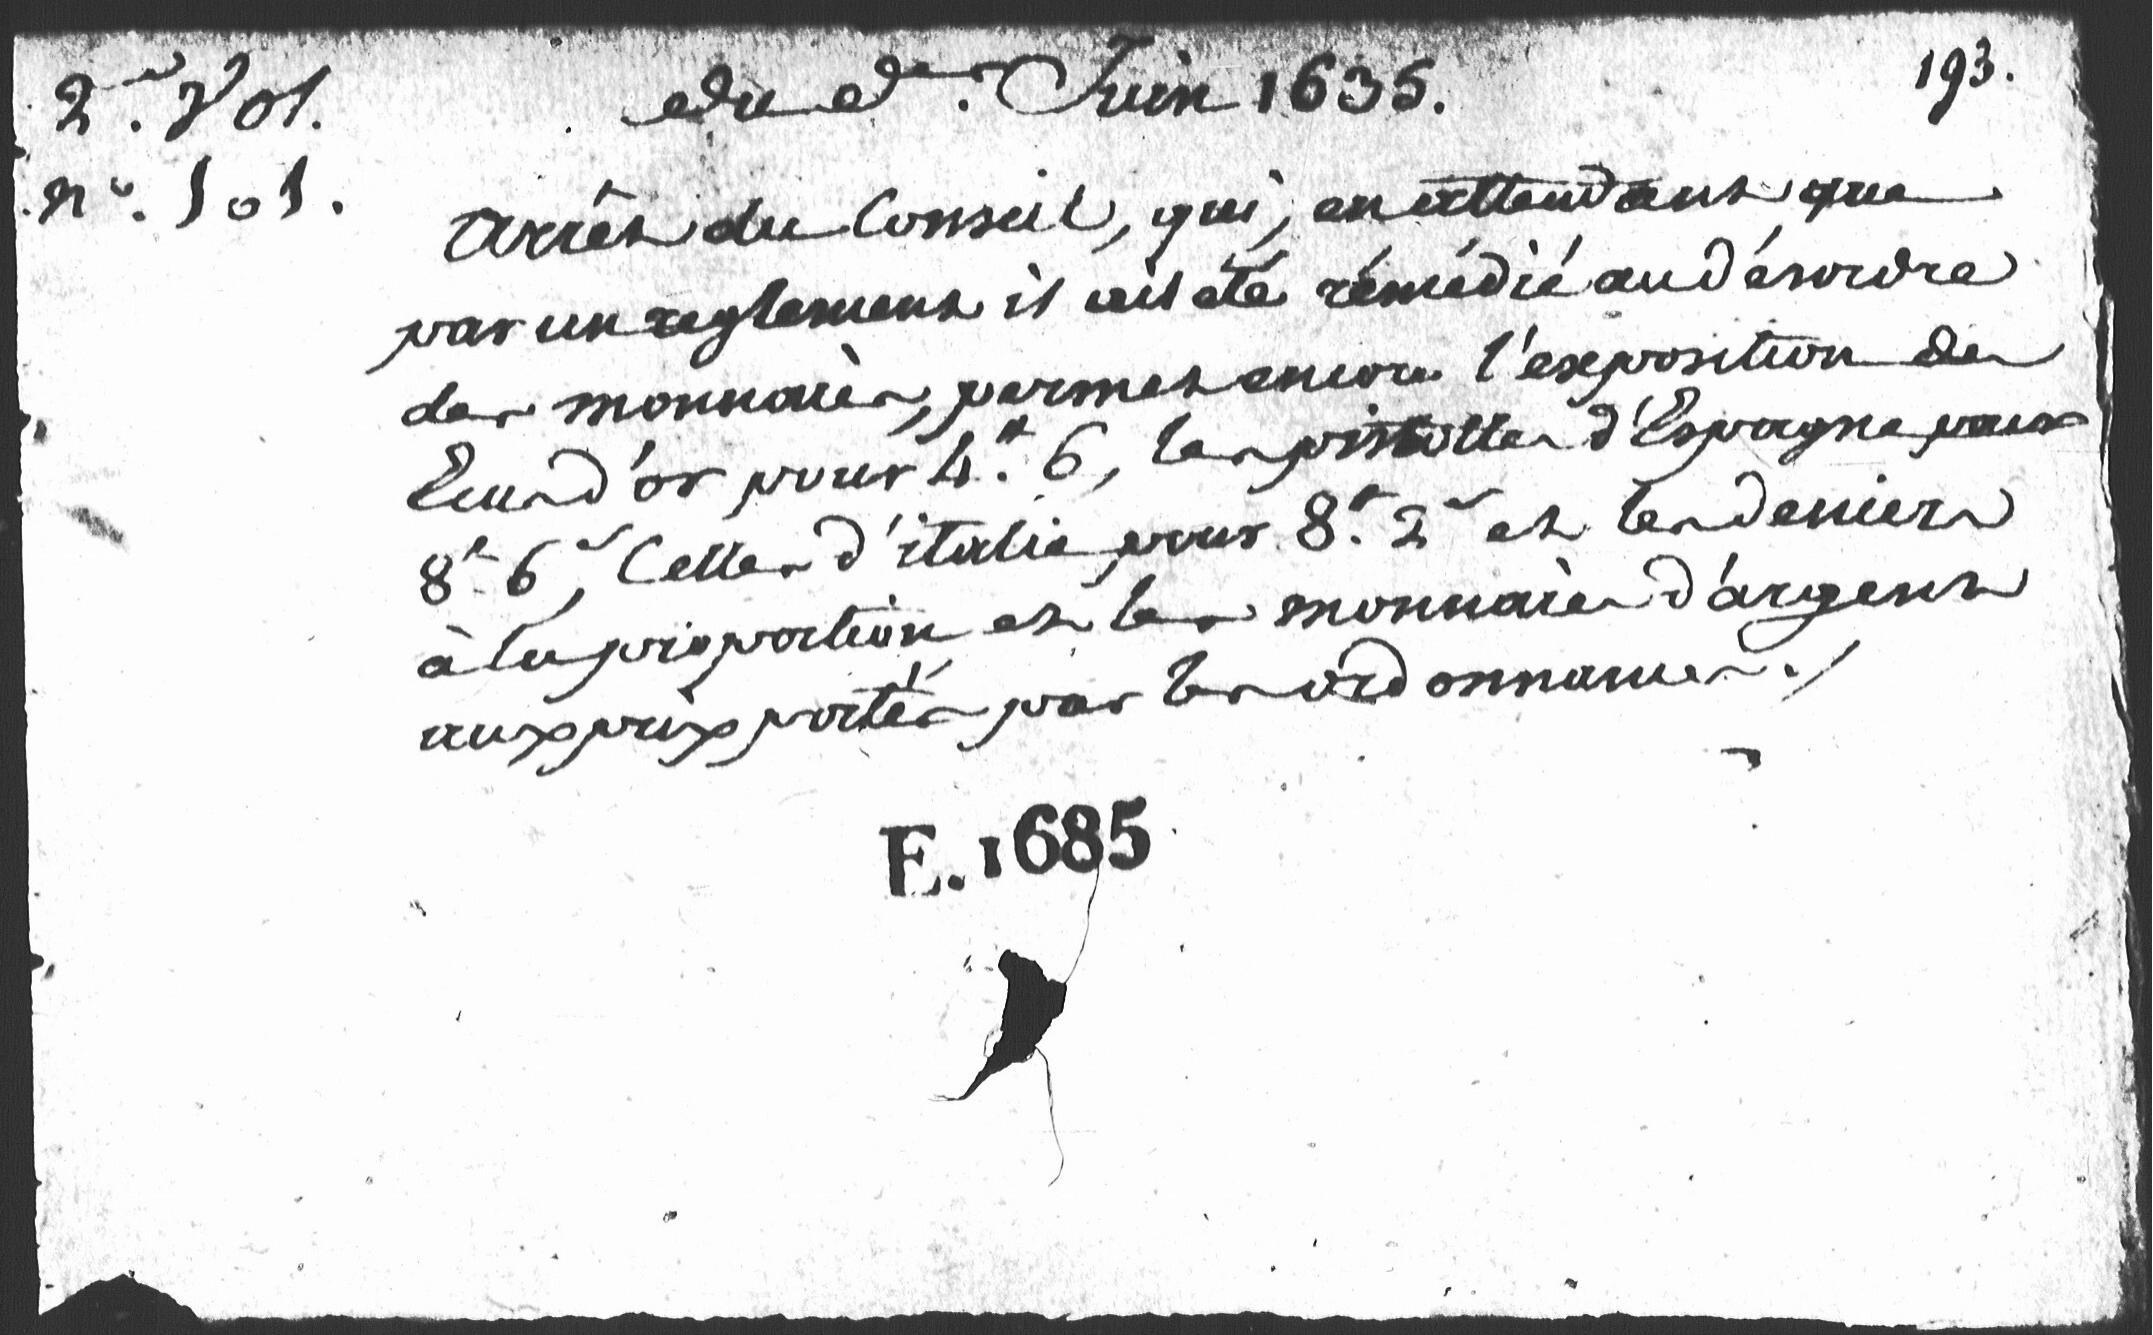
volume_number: n°101
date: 30 juin 1635
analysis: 193
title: Arrêt du Conseil, qui, en attendant que par un reglement il ait été rémédié au désordre des monnaies, permet encore l'exposition des Ecus d'or pour 4 #. 6, les pistolles d'Espagne pour 8#. 6 S, celles d'Italie pour 8#. 2 S et les deniers à la proportion et les monnaies d'argent aux prix portés par les ordonnances.
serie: E
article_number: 1685
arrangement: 2.e vol.
